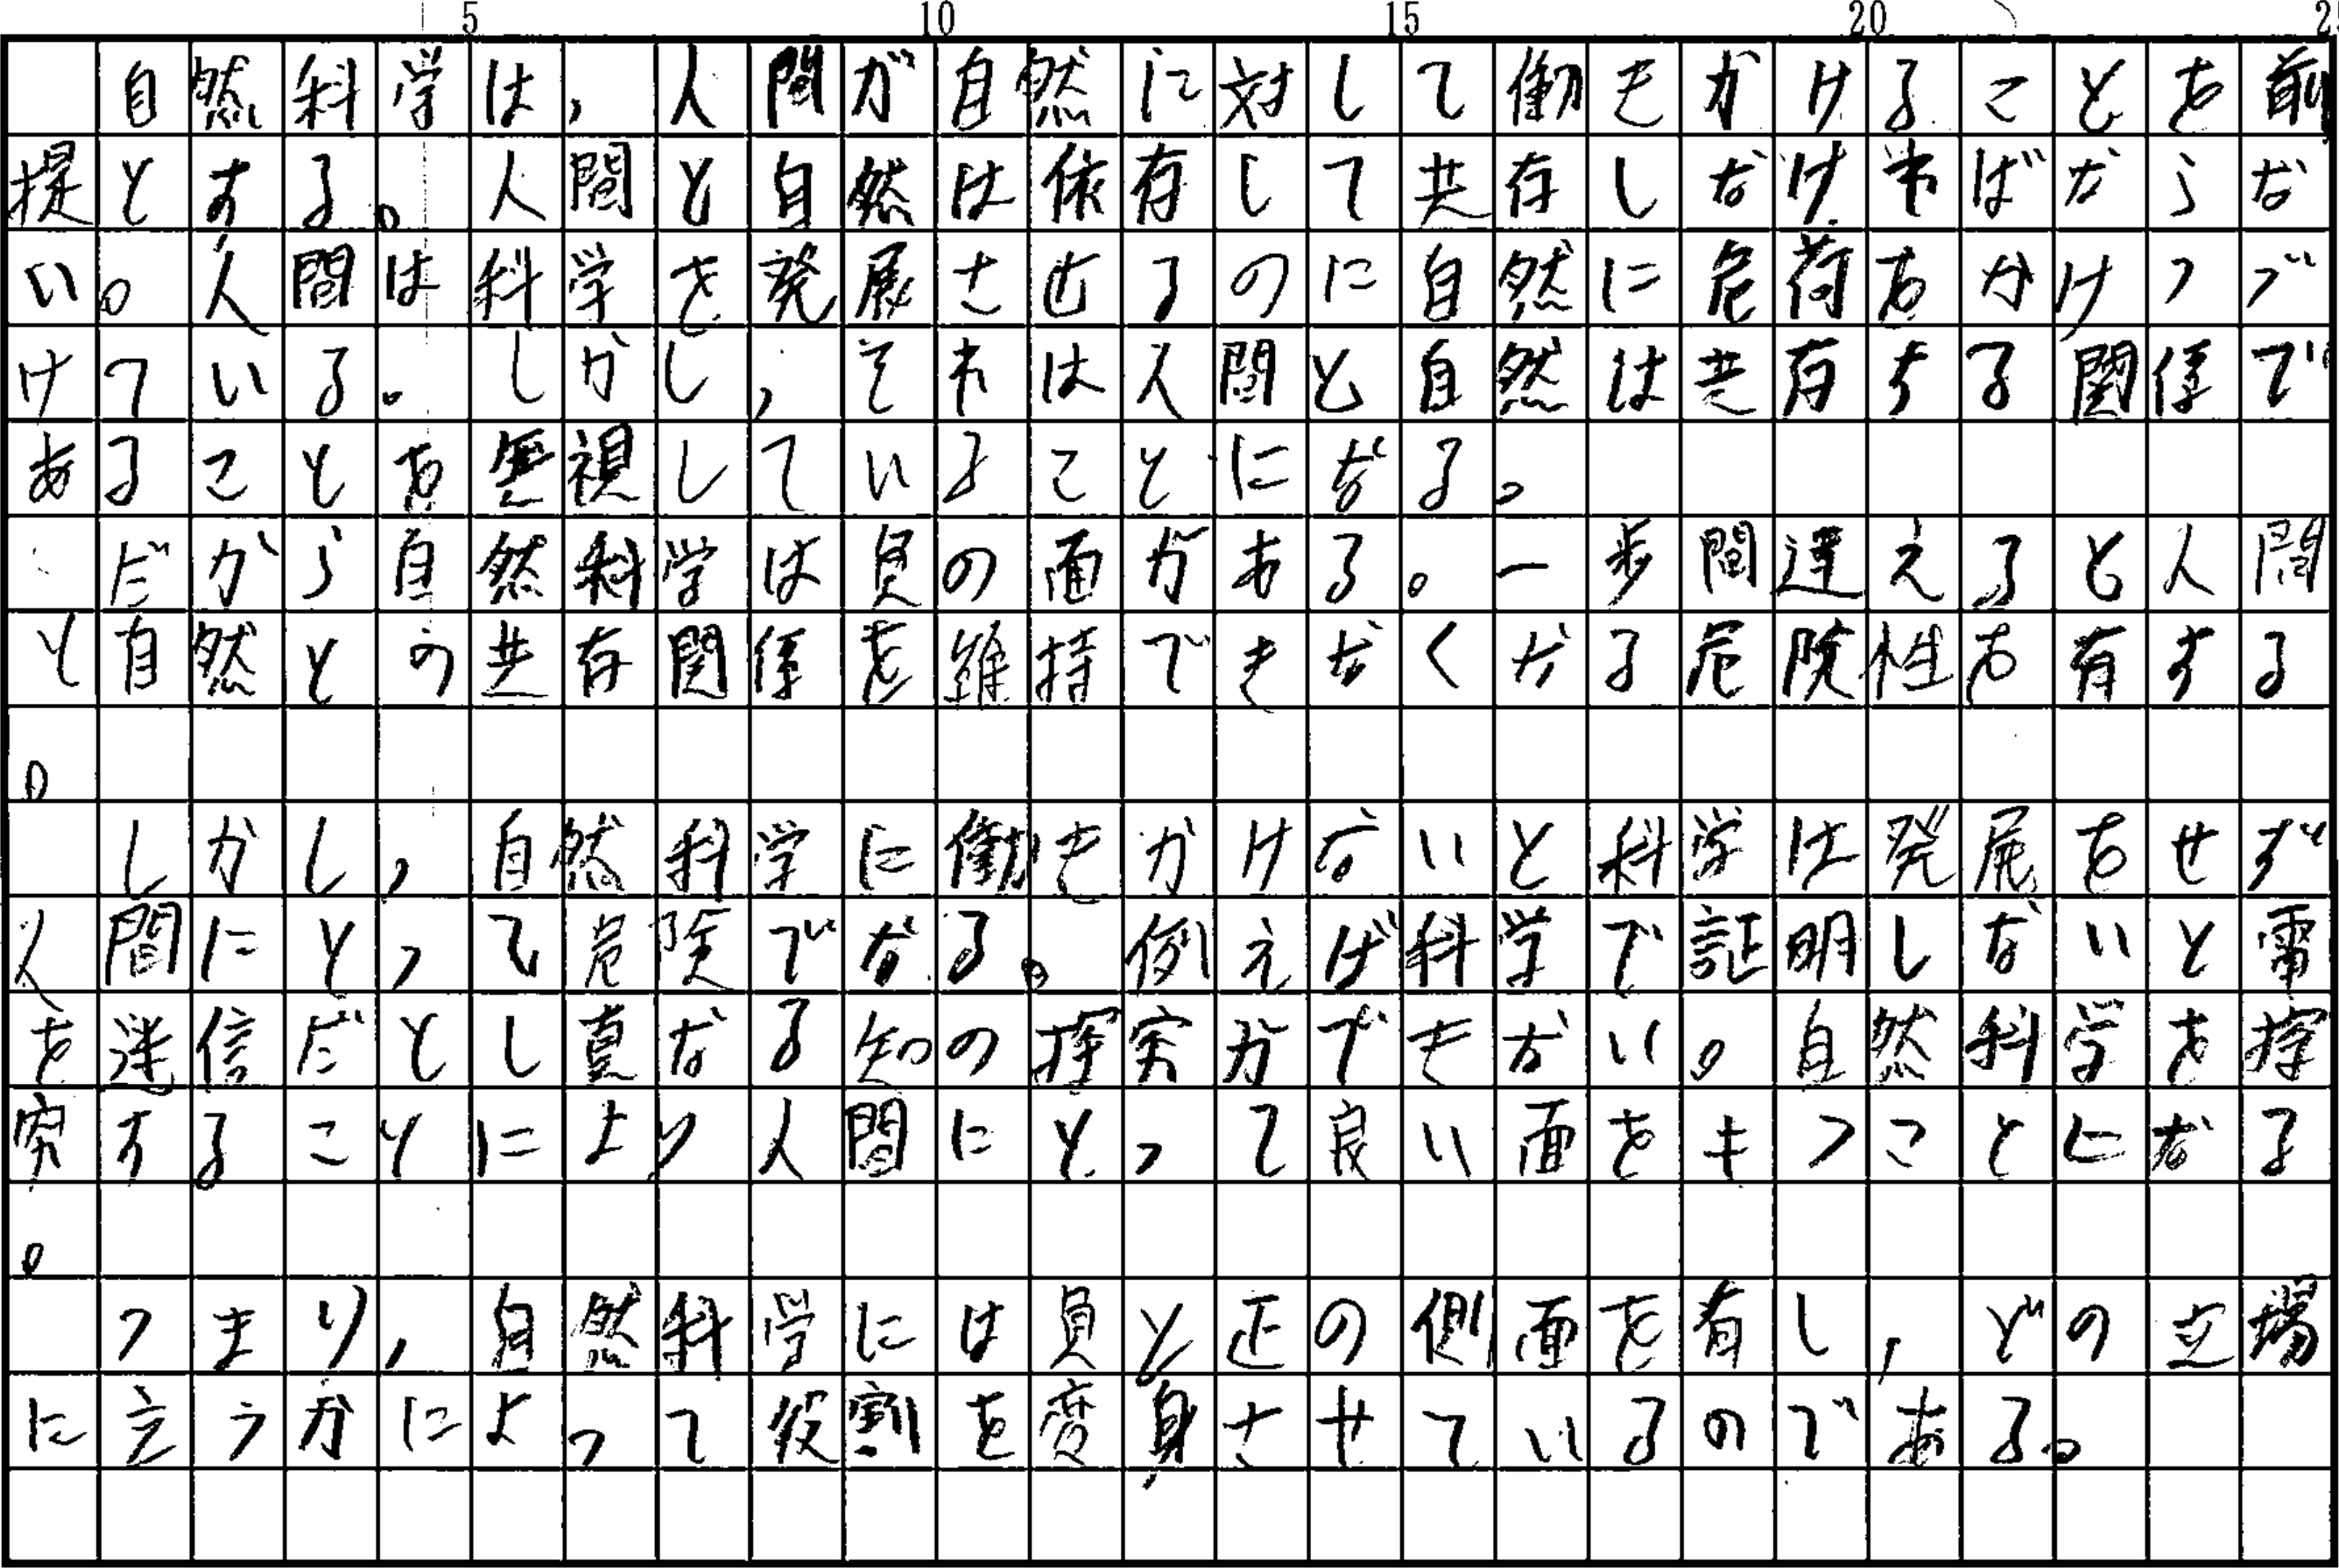　自然科学は、人間が自然に対して働きかけることを前提とする。人間と自然は依存して共存しなければならない。人間は科学を発展させるのに自然に危荷をかけつづけている。しかし、それは人間と自然は共存する関係であることを無視していることになる。
　だから自然科学は負の面がある。一歩間違えると人間と自然との共存関係を維持できなくなる危険性を有する。
　しかし、自然科学に働きかけないと科学は発展をせず人間にとって危険でなる。例えば科学で証明しないと雷を迷信だとし真なる知の探究ができない。自然科学を探究することにより人間にとって良い面をもつことになる。
　つまり、自然科学には負と正の側面を有し、どの立場に立つかによって役割を変身させているのである。
